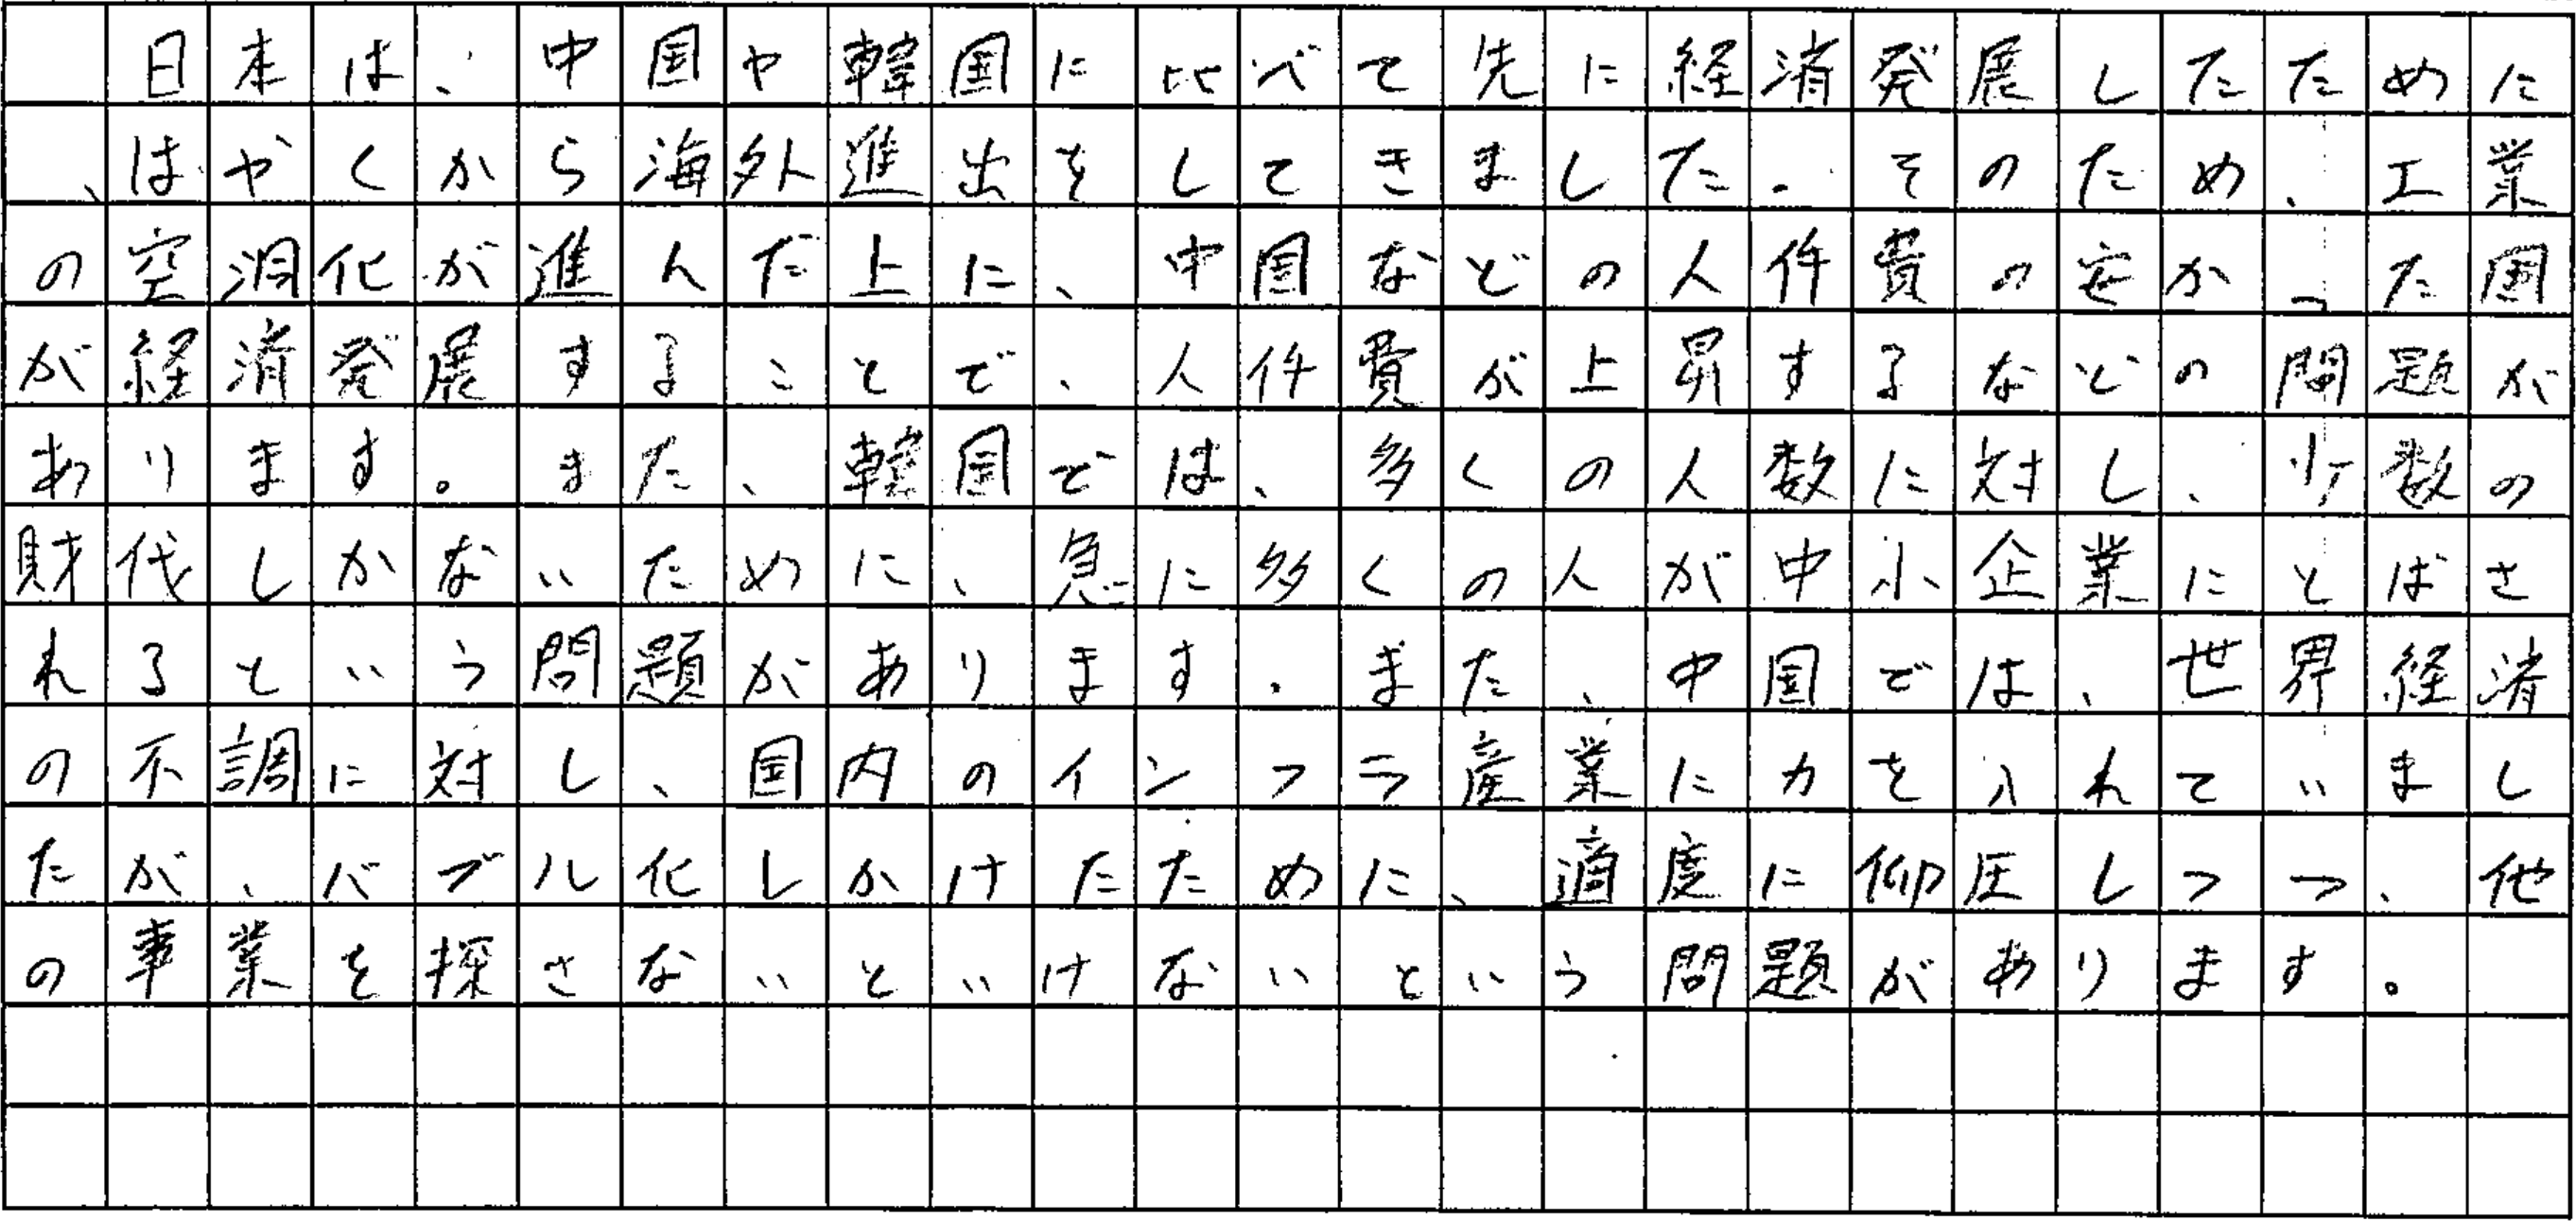　日本は、中国や韓国に比べて先に経済発展したために、はやくから海外進出をしてきました。そのため、工業の空洞化が進んだ上に、中国などの人件費の安かった国が経済発展することで、人件費が上昇するなどの問題があります。また、韓国では、多くの人数に対し、少数の財伐しかないために、急に多くの人が中小企業にとばされるという問題があります。また、中国では、世界経済の不調に対し、国内のインフラ産業に力を入れていましたが、バブル化しかけたために、適度に仰圧しつつ、他の事業を探さないといけないという問題があります。
